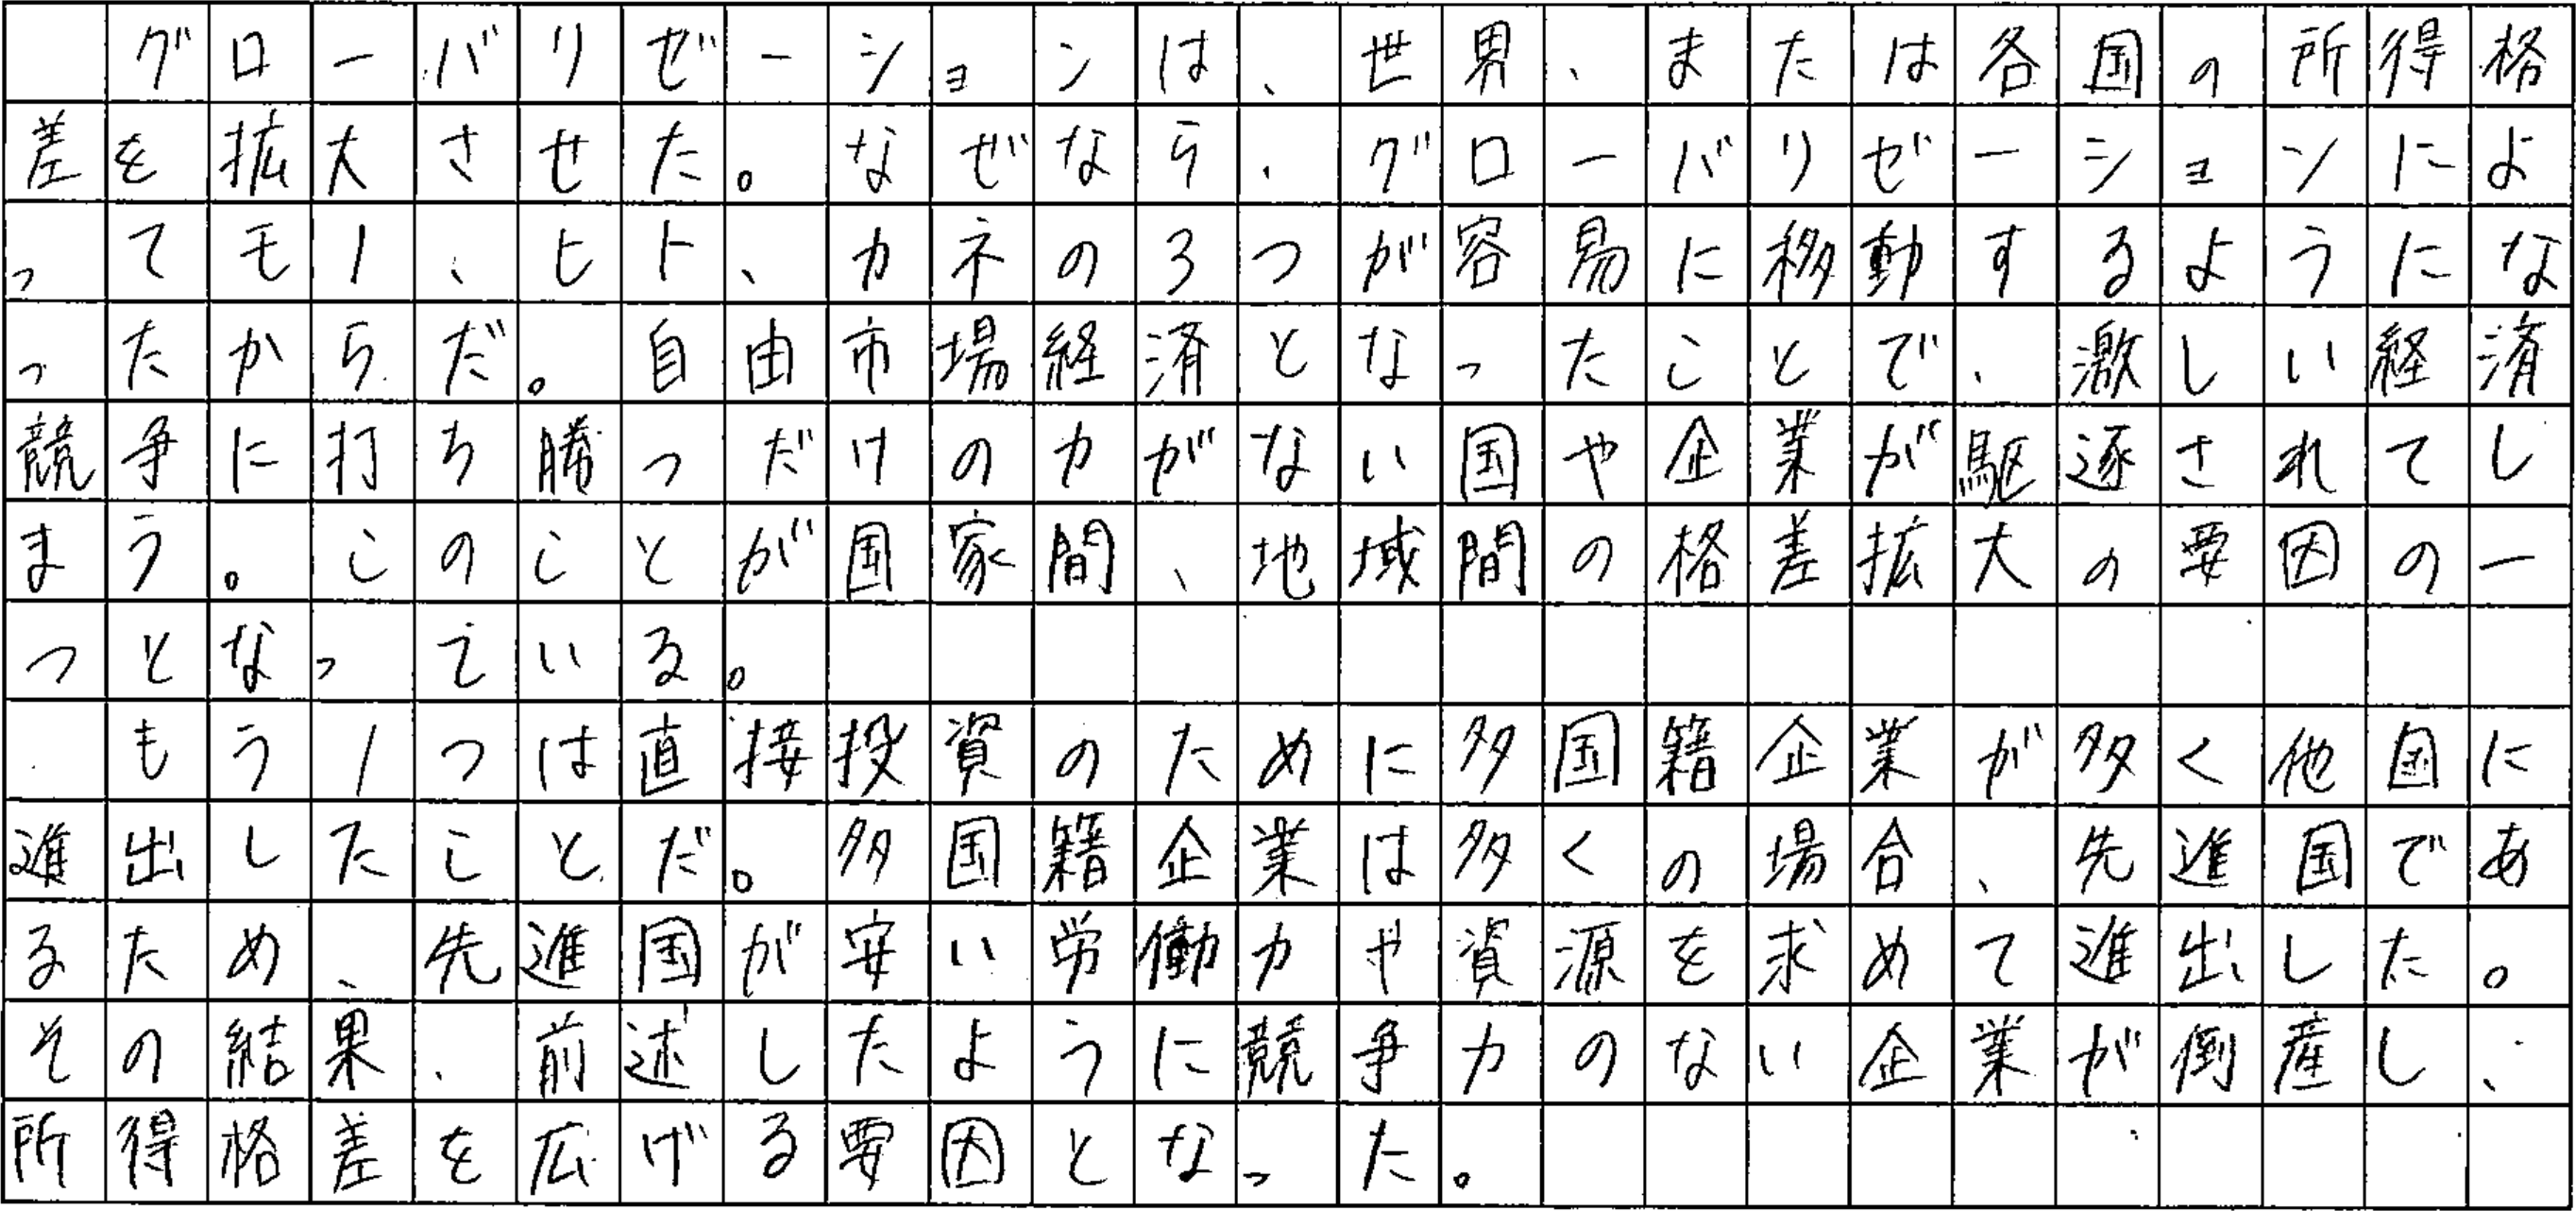  グローバリゼーションは、世界、または各国の所得格差を拡大させた。なぜなら、グローバリゼーションによってモノ、ヒト、カネの３つが容易に移動するようになったからだ。自由市場経済となったことで、激しい経済競争に打ち勝つだけの力がない国や企業が駆逐されてしまう。このことが国家間、地域間の格差拡大の要因の一つとなっている。
  もう１つは直接投資のために多国籍企業が多く他国に進出したことだ。多国籍企業は多くの場合、先進国であるため、先進国が安い労働力や資源を求めて進出した。その結果、前述したように競争力のない企業が倒産し、所得格差を広げる要因となった。
